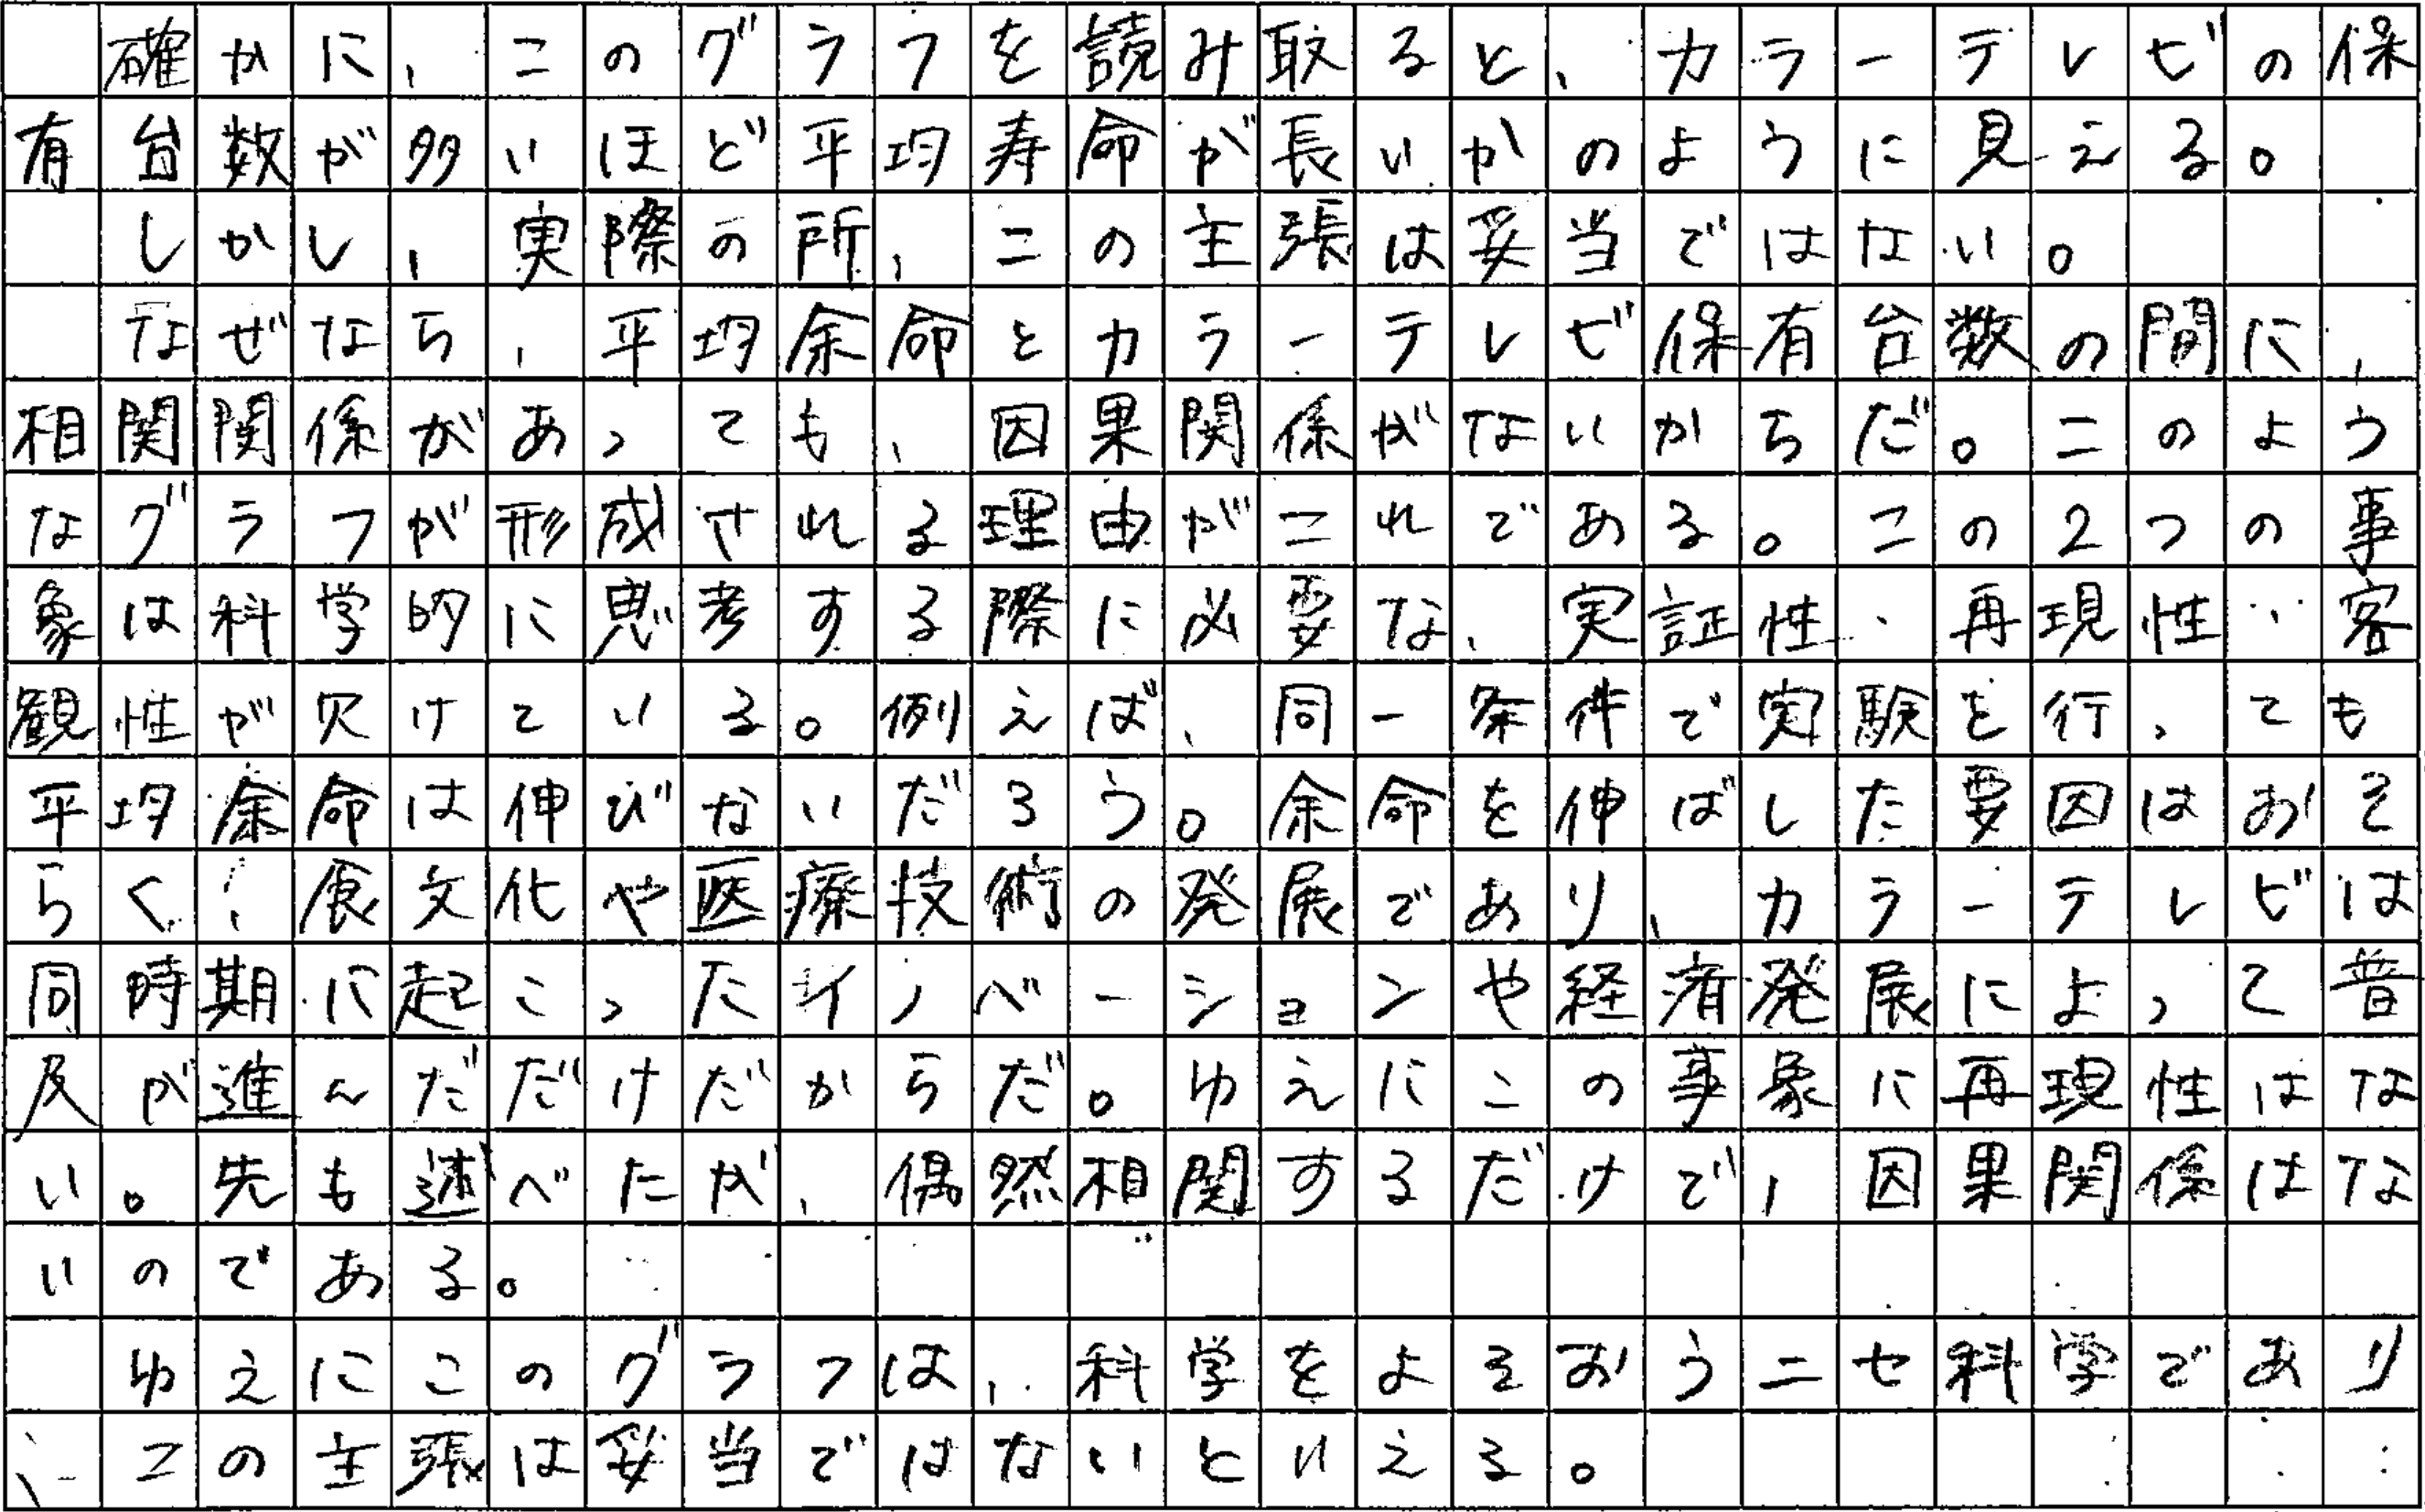　確かに、このグラフを読み取ると、カラーテレビの保有台数が多いほど平均寿命が長いかのように見える。
　しかし、実際の所、この主張は妥当ではない。
　なぜなら、平均余命とカラーテレビ保有台数の間に、相関関係があっても、因果関係がないからだ。このようなグラフが形成される理由がこれである。この２つの事象は科学的に思考する際に必要な、実証性・再現性・客観性が欠けている。例えば、同一条件で実験を行っても平均余命は伸びないだろう。余命を伸ばした要因はおそらく、食文化や医療技術の発展であり、カラーテレビは同時期に起こったイノベーションや経済発展によって普及が進んだだけだからだ。ゆえにこの事象に再現性はない。先も述べたが、偶然相関するだけで、因果関係はないのである。
　ゆえにこのグラフは、科学をよそおうニセ科学であり、この主張は妥当ではないといえる。
